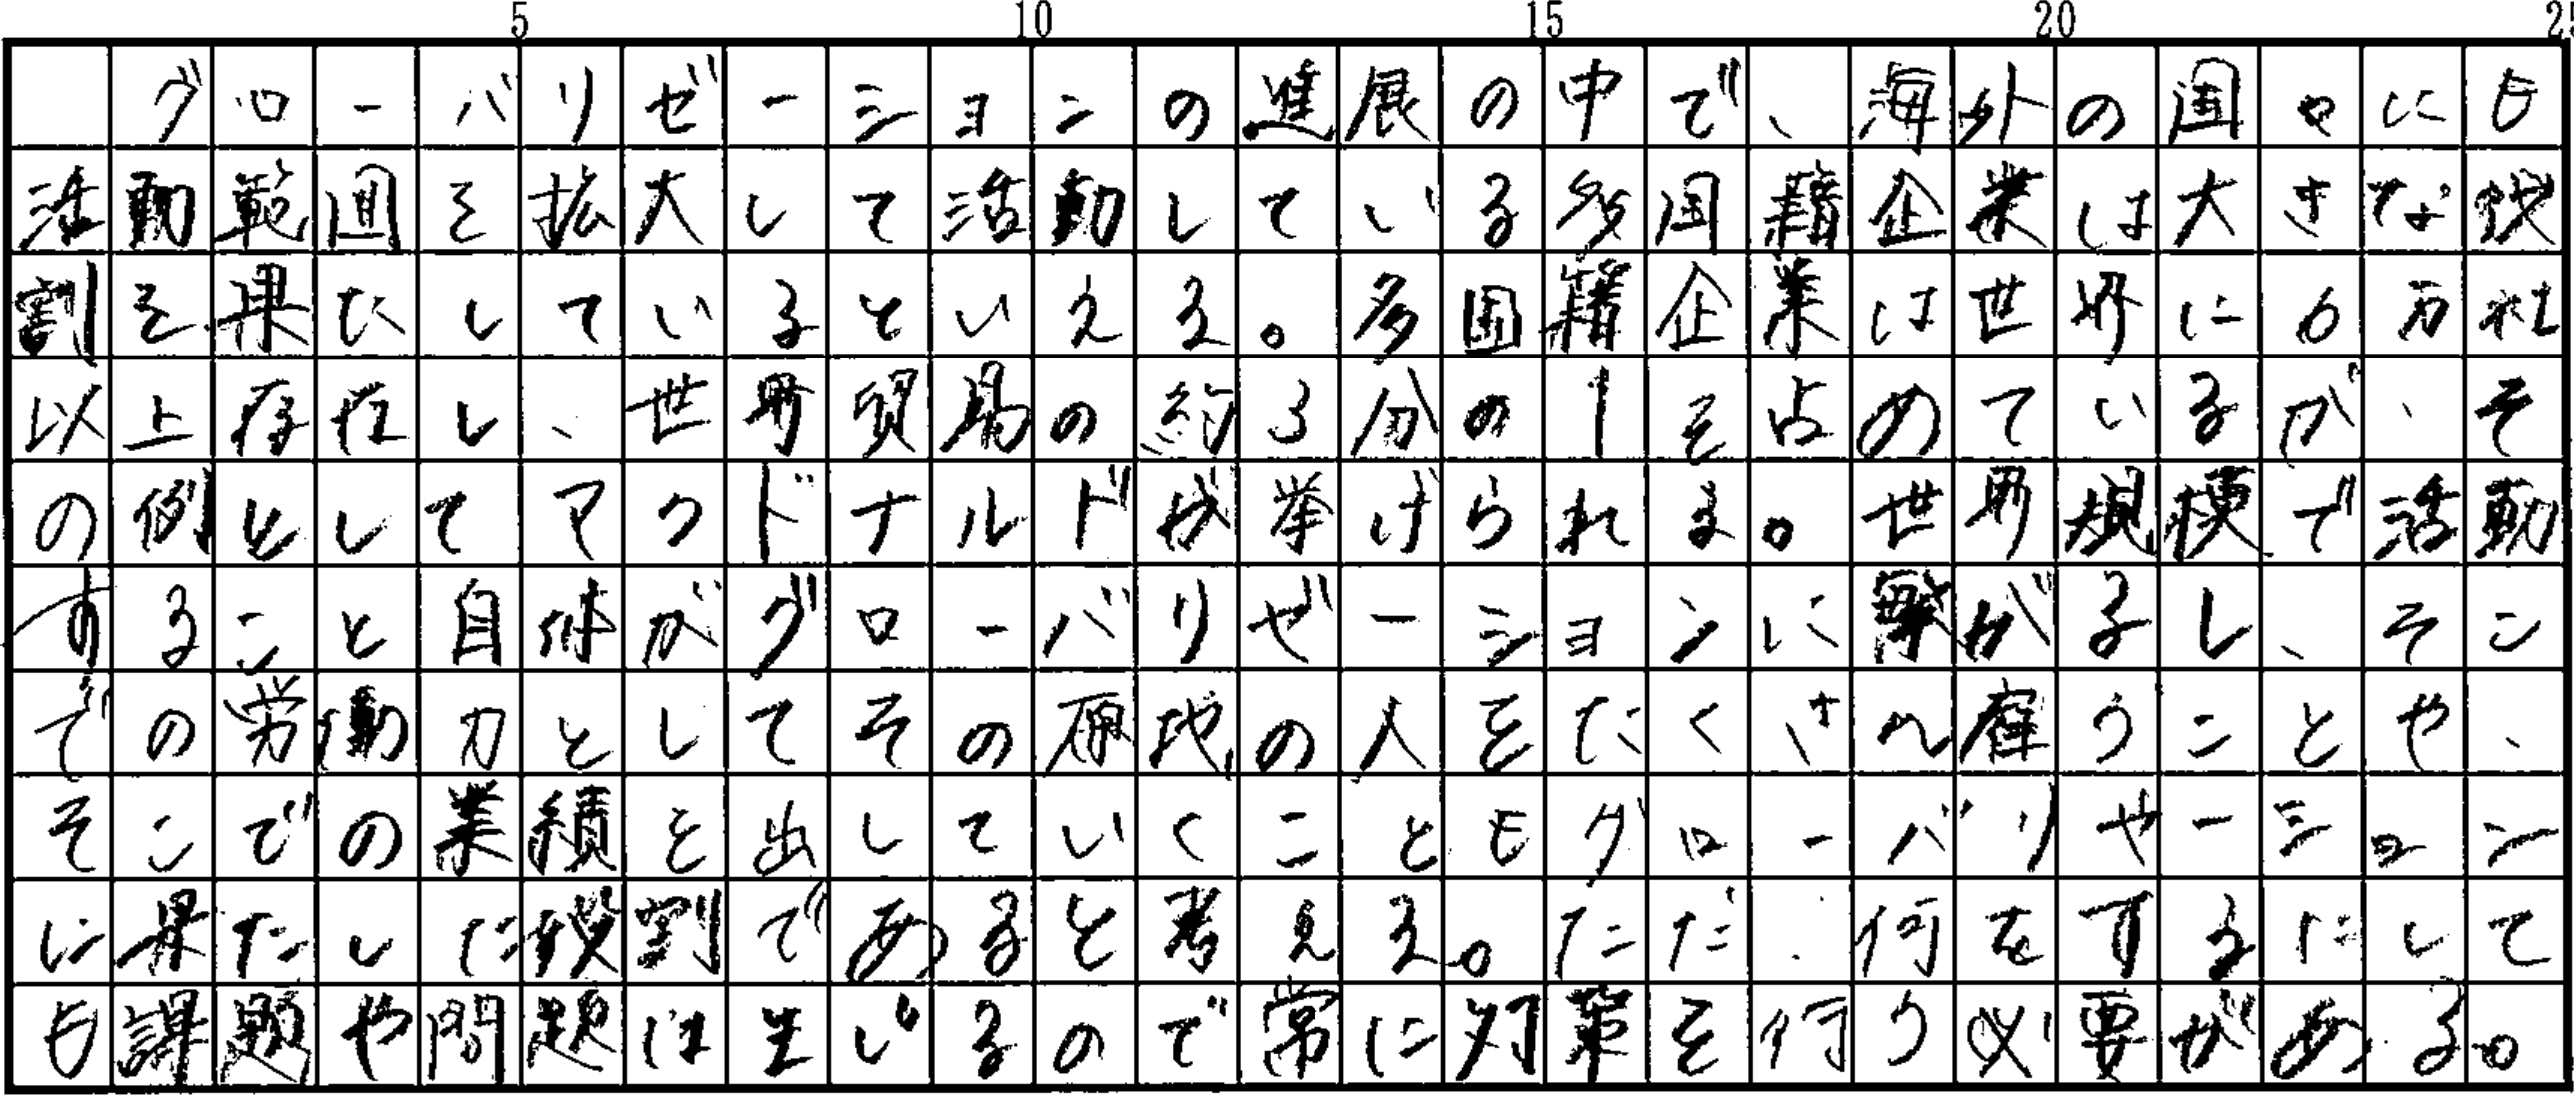　グローバリゼーションの進展の中で、海外の国々にも活動範囲を拡大して活動している多国籍企業は大きな役割を果たしているといえる。多国籍企業は世界に６万社以上存在し、世界貿易の約３分の１を占めているが、その例としてマグドナルドが挙げられる。世界規模で活動すること自体がグローバリゼーションに繋がるし、そこでの労働力としてその原地の人をたくさん雇うことや、そこでの業績を出していくこともグローバリゼーションに果たした役割であると考える。ただ、何をするにしても課題や問題は生じるので常に対策を行う必要がある。
